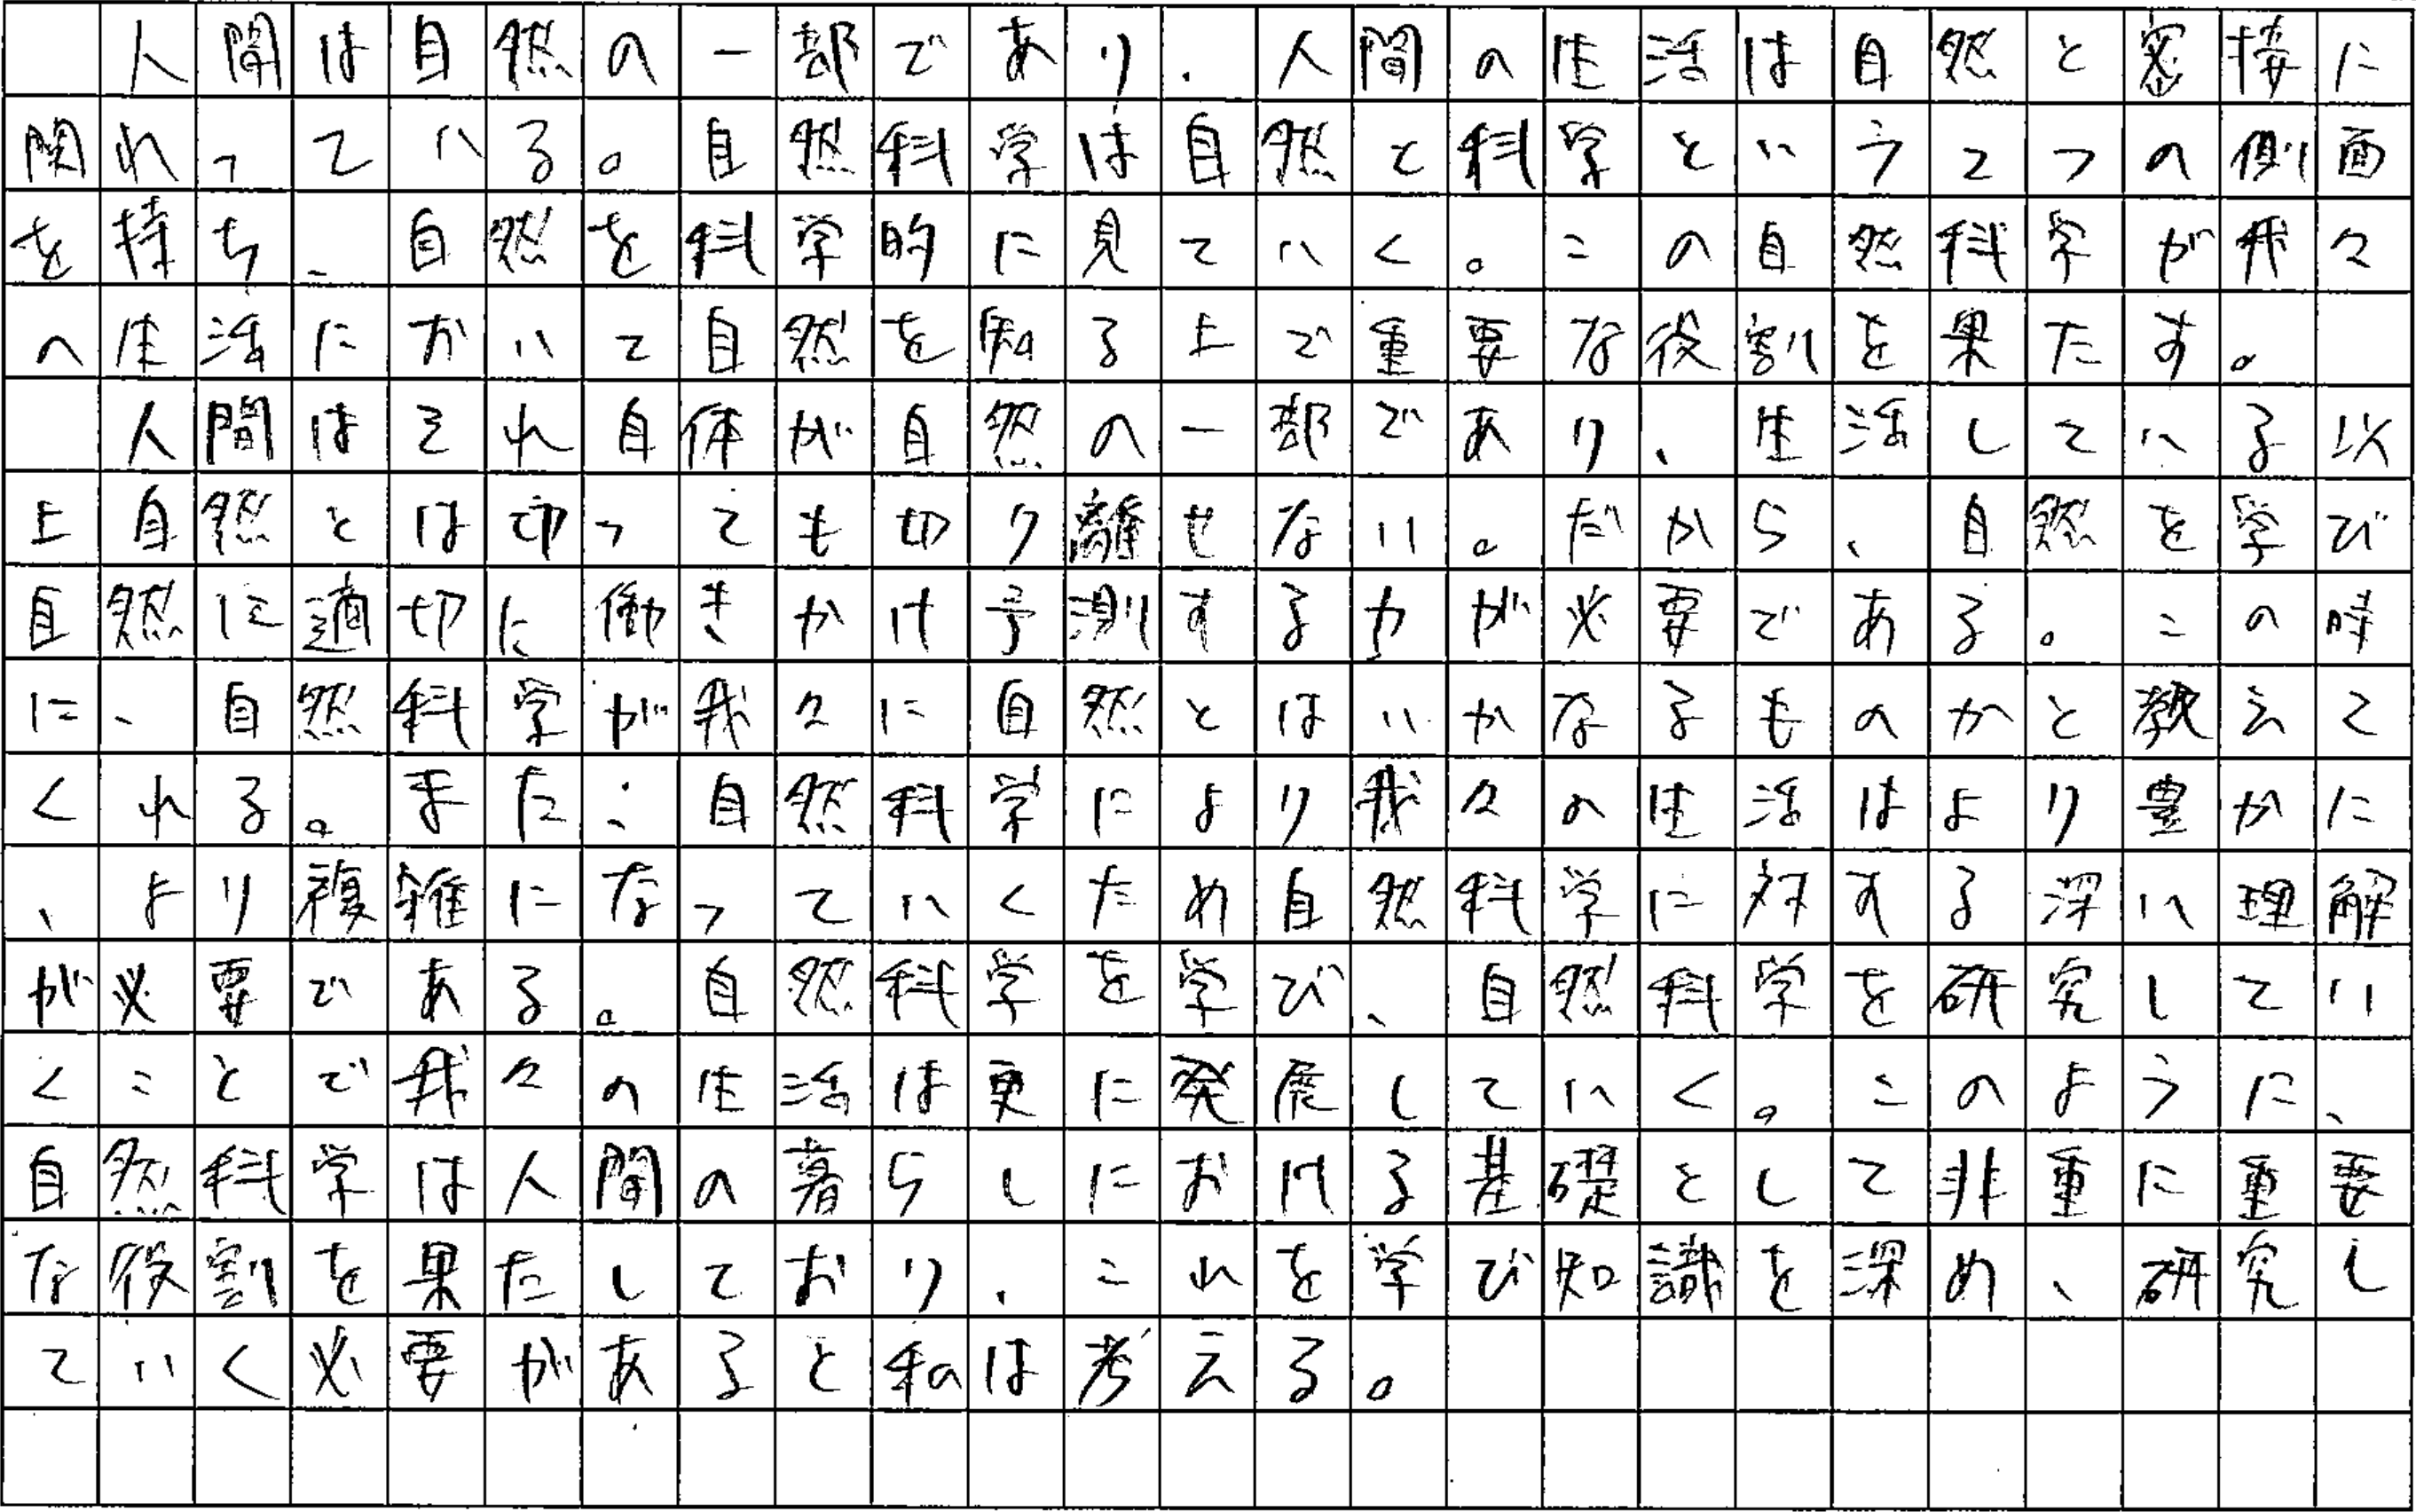　人間は自然の一部であり、人間の生活は自然と密接に関わっている。自然科学は自然と科学という２つの側面を持ち、自然を科学的に見ていく。この自然科学が我々の生活において自然を知る上で重要な役割を果たす。
　人間はそれ自体が自然の一部であり、生活している以上自然とは切っても切り離せない。だから、自然を学び自然に適切に働きかけ予測する力が必要である。この時に、自然科学が我々に自然とはいかなるものかと教えてくれる。また、自然科学により我々の生活はより豊かに、より複雑になっていくため自然科学に対する深い理解が必要である。自然科学を学び、自然科学を研究していくことで我々の生活は更に発展していく。このように、自然科学は人間の暮らしにおける基礎として非重に重要な役割を果たしており、これを学び知識を深め、研究していく必要があると私は考える。
